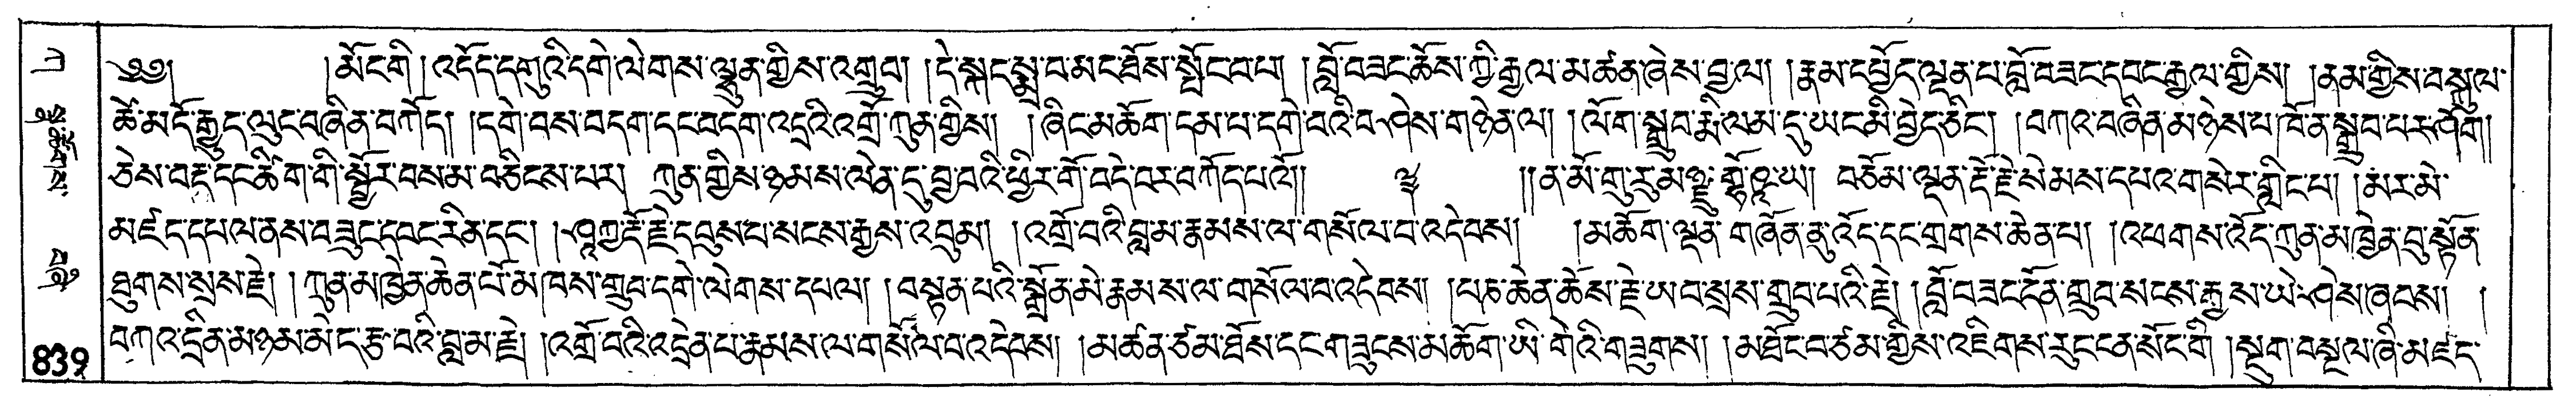༄༅། །མོང་གི །འདོད་དགུའི་དགེ་ལེགས་ལྷུན་གྱིས་འགྲུབ། །དེ་སྐད་སྨྲ་བ་མང་ཐོས་སྤོང་བ་པ། །བློ་བཟང་ཆོས་ཀྱི་རྒྱལ་མཚན་ཞེས་བྱ་ལ། །རྣམ་དཔྱོད་ལྡན་པ་བློ་བཟང་དབང་རྒྱལ་གྱིས། །ནམ་གྱིས་བསྐུལ་
ཚེ་མདོ་རྒྱུད་ལུང་བཞིན་བཀོད། །དགེ་བས་བདག་དང་བདག་འདྲའི་འགྲོ་ཀུན་གྱིས། །ཞིང་མཆོག་དམ་པ་དགེ་བའི་བཤེས་གཉེན་ལ། །ལོག་སྒྲུབ་རྨི་ལམ་དུ་ཡང་མི་བྱེད་ཅིང་། །བཀའ་བཞིན་མཉེས་པ་ཁོ་ན་སྒྲུབ་པར་ཤོག །
ཅེས་བརྡ་དང་ཚིག་གི་སྦྱོར་བས་མ་བཅིངས་པར། ཀུན་གྱིས་ཉམས་ལེན་དུ་བྱ་བའི་ཕྱིར་གོ་བདེ་བར་བཀོད་པའོ།། ༈ །།ན་མོ་གུ་རུ་མཉྫུ་གྷོ་ཥཱ་ཡ། བཅོམ་ལྡན་རྡོ་རྗེ་སེམས་དཔའ་གསེར་གླིང་པ། །མར་མེ་
མཛད་དཔལ་ནས་བཟུང་དབང་རིན་དང་། །ཤཱཀྱ་རྡོ་རྗེ་དབུས་པ་སངས་རྒྱས་འབུམ། །འགྲོ་བའི་བླ་མ་རྣམས་ལ་གསོལ་བ་འདེབས། །མཆོག་ལྡན་གཞོན་ནུ་འོད་དང་གྲགས་ཆེན་པ། །འཕགས་འོད་ཀུན་མཁྱེན་བུ་སྟོན་
ཐུགས་སྲས་རྗེ། །ཀུན་མཁྱེན་ཆེན་པོ་མཁས་གྲུབ་དགེ་ལེགས་དཔལ། །བསྟན་པའི་སྒྲོན་མེ་རྣམས་ལ་གསོལ་བ་འདེབས། །པཎ་ཆེན་ཆོས་རྗེ་ཡབ་སྲས་གྲུབ་པའི་རྗེ། །བློ་བཟང་དོན་གྲུབ་སངས་རྒྱས་ཡེ་ཤེས་ཞབས། །
བཀའ་དྲིན་མཉམ་མེད་རྩ་བའི་བླ་མ་རྗེ། །འགྲོ་བའི་འདྲེན་པ་རྣམས་ལ་གསོལ་བ་འདེབས། །མཚན་ཙམ་ཐོས་དང་གཟུངས་མཆོག་ཡི་གེའི་གཟུགས། །མཐོང་བ་ཙམ་གྱིས་འཇིགས་རུང་ངན་སོང་གི །སྡུག་བསྔལ་ཞི་མཛད་